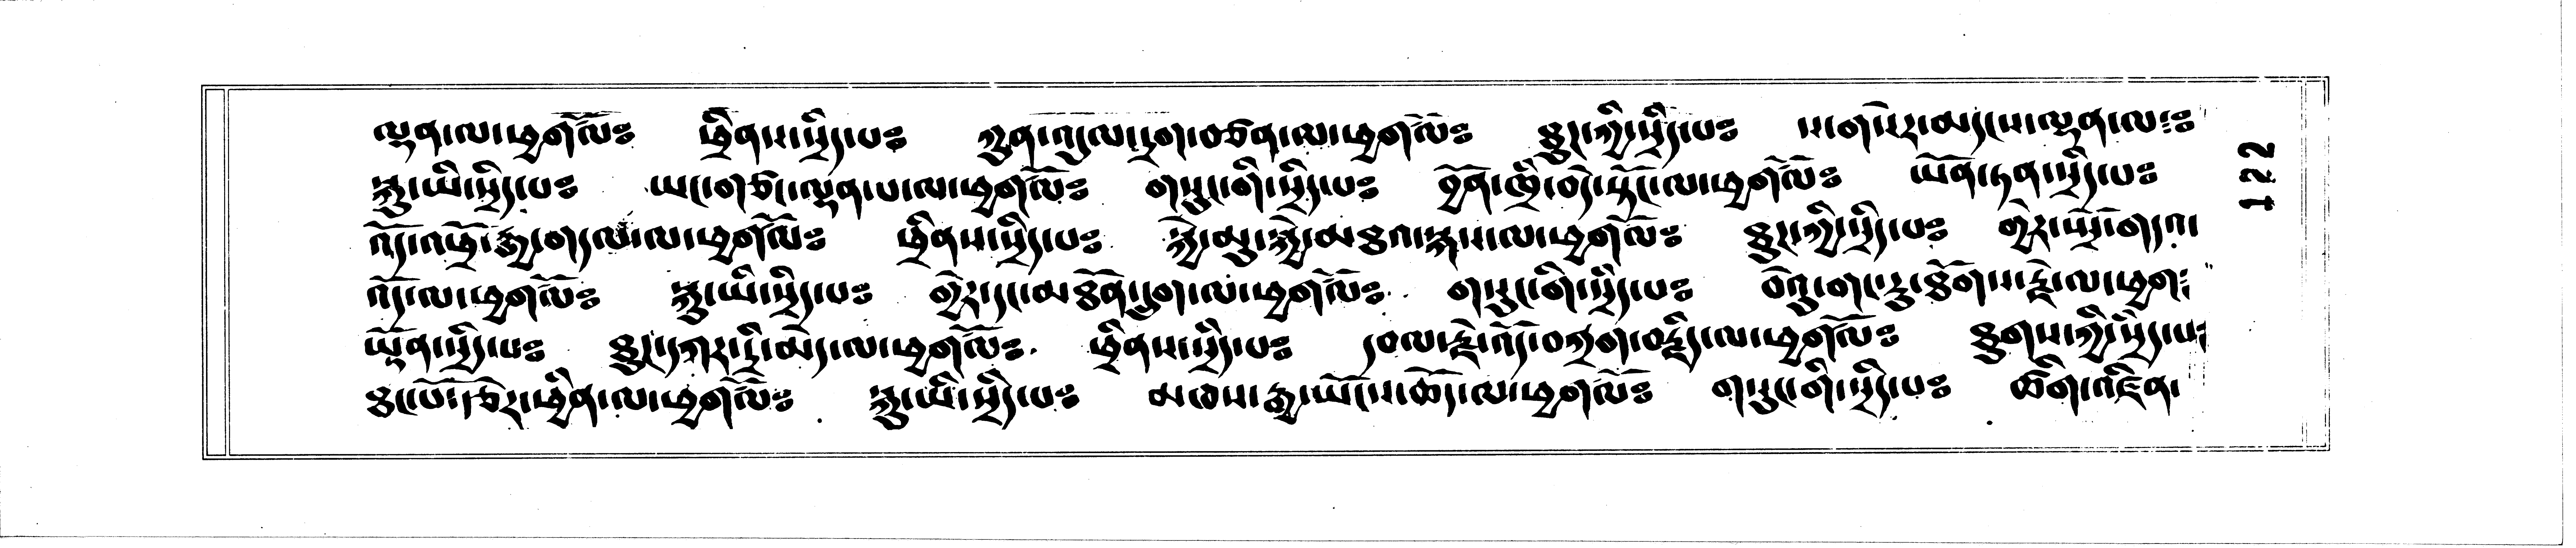ལྡན་ལ་ཕྱག་འཚལ་ལོཿ ཕྲིན་ལས་ཀྱི་སྲིད་པཿ ཀུན་འདུལ་དྲག་བཙན་ལ་ཕྱག་འཚལ་ལོཿ ཐུགས་ཀྱི་སྲིད་པཿ ས་གསེར་མདངས་ལྡན་ལ་ཕྱག་འཚལ་ལོཿ 
སྐུ་ཡི་སྲིད་པཿ ཡང་གཙང་ལྡན་པ་ལ་ཕྱག་འཚལ་ལོཿ གསུང་གི་སྲིད་པཿ བྱང་ཁྲི་བདེ་སྟོང་ལ་ཕྱག་འཚལ་ལོཿ ཡོན་ཏན་གྱི་སྲིད་པཿ
 འོད་འཕྲོ་རྒྱ་བདལ་ལ་ཕྱག་འཚལ་ལོཿ ཕྲིན་ལས་ཀྱི་སྲིད་པཿ སྐྱེ་མུ་སྐྱེ་མཐའ་སྐས་ལ་ཕྱག་འཚལ་ལོཿ ཐུགས་ཀྱི་སྲིད་པཿ གྱེར་སྤྲོ་བདལ་
འོད་ལ་ཕྱག་འཚལ་ལོཿ སྐུ་ཡི་སྲིད་པཿ གྱེར་དང་མཐོང་དྲུག་ལ་ཕྱག་འཚལ་ལོཿ གསུང་གི་སྲིད་པཿ པེའུ་གང་རུ་ཐོགས་རྗེ་ལ་ཕྱག་འཚལ་ལོཿ 
ཡོན་ཏན་གྱི་སྲིད་པཿ ཐུགས་དཀར་དྲི་མེད་ལ་ཕྱག་འཚལ་ལོཿ ཕྲིན་ལས་ཀྱི་སྲིད་པཿ དབལ་རྗེ་འོད་བཀྲག་བརྗིད་ལ་ཕྱག་འཚལ་ལོཿ ཐུགས་ཀྱི་སྲིད་པཿ 
ཐང་པོ་རྩེར་ཕྱིན་ལ་ཕྱག་འཚལ་ལོཿ སྐུ་ཡི་སྲིད་པཿ མཁའ་རྒྱ་ཡོངས་ཆོད་ལ་ཕྱག་འཚལ་ལོཿ གསུང་གི་སྲིད་པཿ ཚིག་འཛིན་